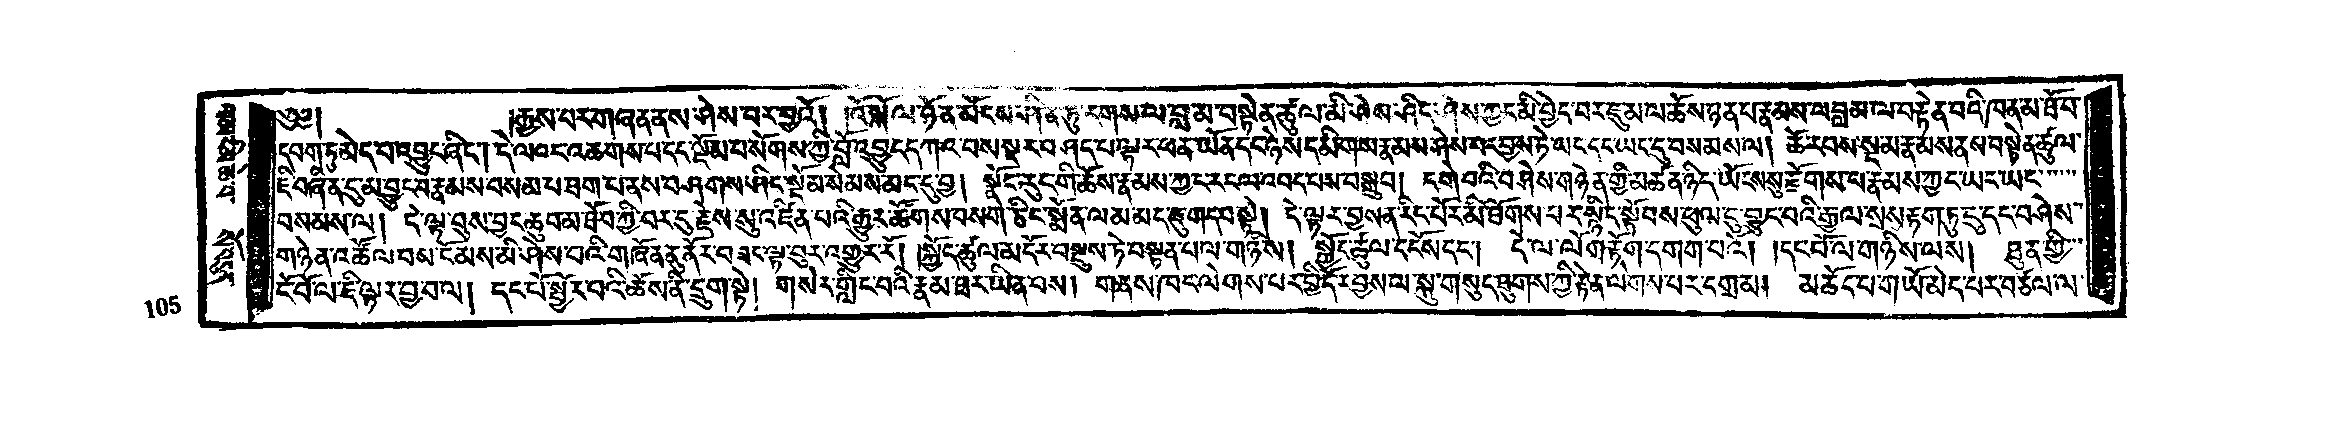༄༅། །རྒྱས་པར་གཞན་ནས་ཤེས་པར་བྱའོ། །འོ་སྐོལ་ཉོན་མོངས་ཤིན་ཏུ་རགས་ལ་བླ་མ་བསྟེན་ཚུལ་མི་ཤེས་ཤིང་ཤེས་ཀྱང་མི་བྱེད་པར་དུ་མ་ལ་ཆོས་ཉན་པ་རྣམས་ལ་བླ་མ་ལ་བརྟེན་པའི་ཁ་ན་མ་ཐོ་བ་
དཔག་ཏུ་མེད་པ་འབྱུང་ཞིང་། དེ་ལའང་འཆགས་པ་དང་སྡོམ་པ་སོགས་ཀྱི་བློ་འབྱུང་དཀའ་བས་སྔར་བཤད་པ་ལྟར་ཕན་ཡོན་དང་ཉེས་དམིགས་རྣམས་ཤེས་པར་བྱས་ཏེ་ཡང་དང་ཡང་དུ་བསམས་ལ། ཚེ་རབས་སྔ་མ་རྣམས་ནས་བསྟེན་ཚུལ་
ཇི་བཞིན་དུ་མ་བྱུང་བ་རྣམས་བསམ་པ་ཐག་པ་ནས་བཤགས་ཤིང་སྡོམ་སེམས་མང་དུ་བྱ། སྣོད་རུང་གི་ཆོས་རྣམས་ཀྱང་རང་ལ་འབད་པས་བསྒྲུབ། དགེ་བའི་བཤེས་གཉེན་གྱི་མཚན་ཉིད་ཡོངས་སུ་རྫོགས་པ་རྣམས་ཀྱང་ཡང་ཡང་
བསམས་ལ། དེ་ལྟ་བུས་བྱང་ཆུབ་མ་ཐོབ་ཀྱི་བར་དུ་རྗེས་སུ་འཛིན་པའི་རྒྱུར་ཚོགས་བསག་ཅིང་སྨོན་ལམ་མང་དུ་གདབ་སྟེ། དེ་ལྟར་བྱས་ན་རིང་པོར་མི་ཐོགས་པར་སྙིང་སྟོབས་ཕུལ་དུ་བྱུང་བའི་རྒྱལ་སྲས་རྟག་ཏུ་ངུ་དང་བཤེས་
གཉེན་འཚོལ་བས་ངོམས་མི་ཤེས་པའི་གཞོན་ནུ་ནོར་བཟང་ལྟ་བུར་འགྱུར་རོ། །སྐྱོང་ཚུལ་མདོར་བསྡུས་ཏེ་བསྟན་པ་ལ་གཉིས། སྐྱོང་ཚུལ་དངོས་དང་། དེ་ལ་ལོག་རྟོག་དགག་པའོ། །དང་པོ་ལ་གཉིས་ལས། ཐུན་གྱི་
ངོ་བོ་ལ་ཇི་ལྟར་བྱ་བ་ལ། དང་པོ་སྦྱོར་བའི་ཆོས་ནི་དྲུག་སྟེ། གསེར་གླིང་བའི་རྣམ་ཐར་ཡིན་པས། གནས་ཁང་ལེགས་པར་བྱི་དོར་བྱས་ལ་སྐུ་གསུང་ཐུགས་ཀྱི་རྟེན་ལེགས་པར་དགྲམ། མཆོད་པ་གཡོ་མེད་པར་བཙལ་ལ་